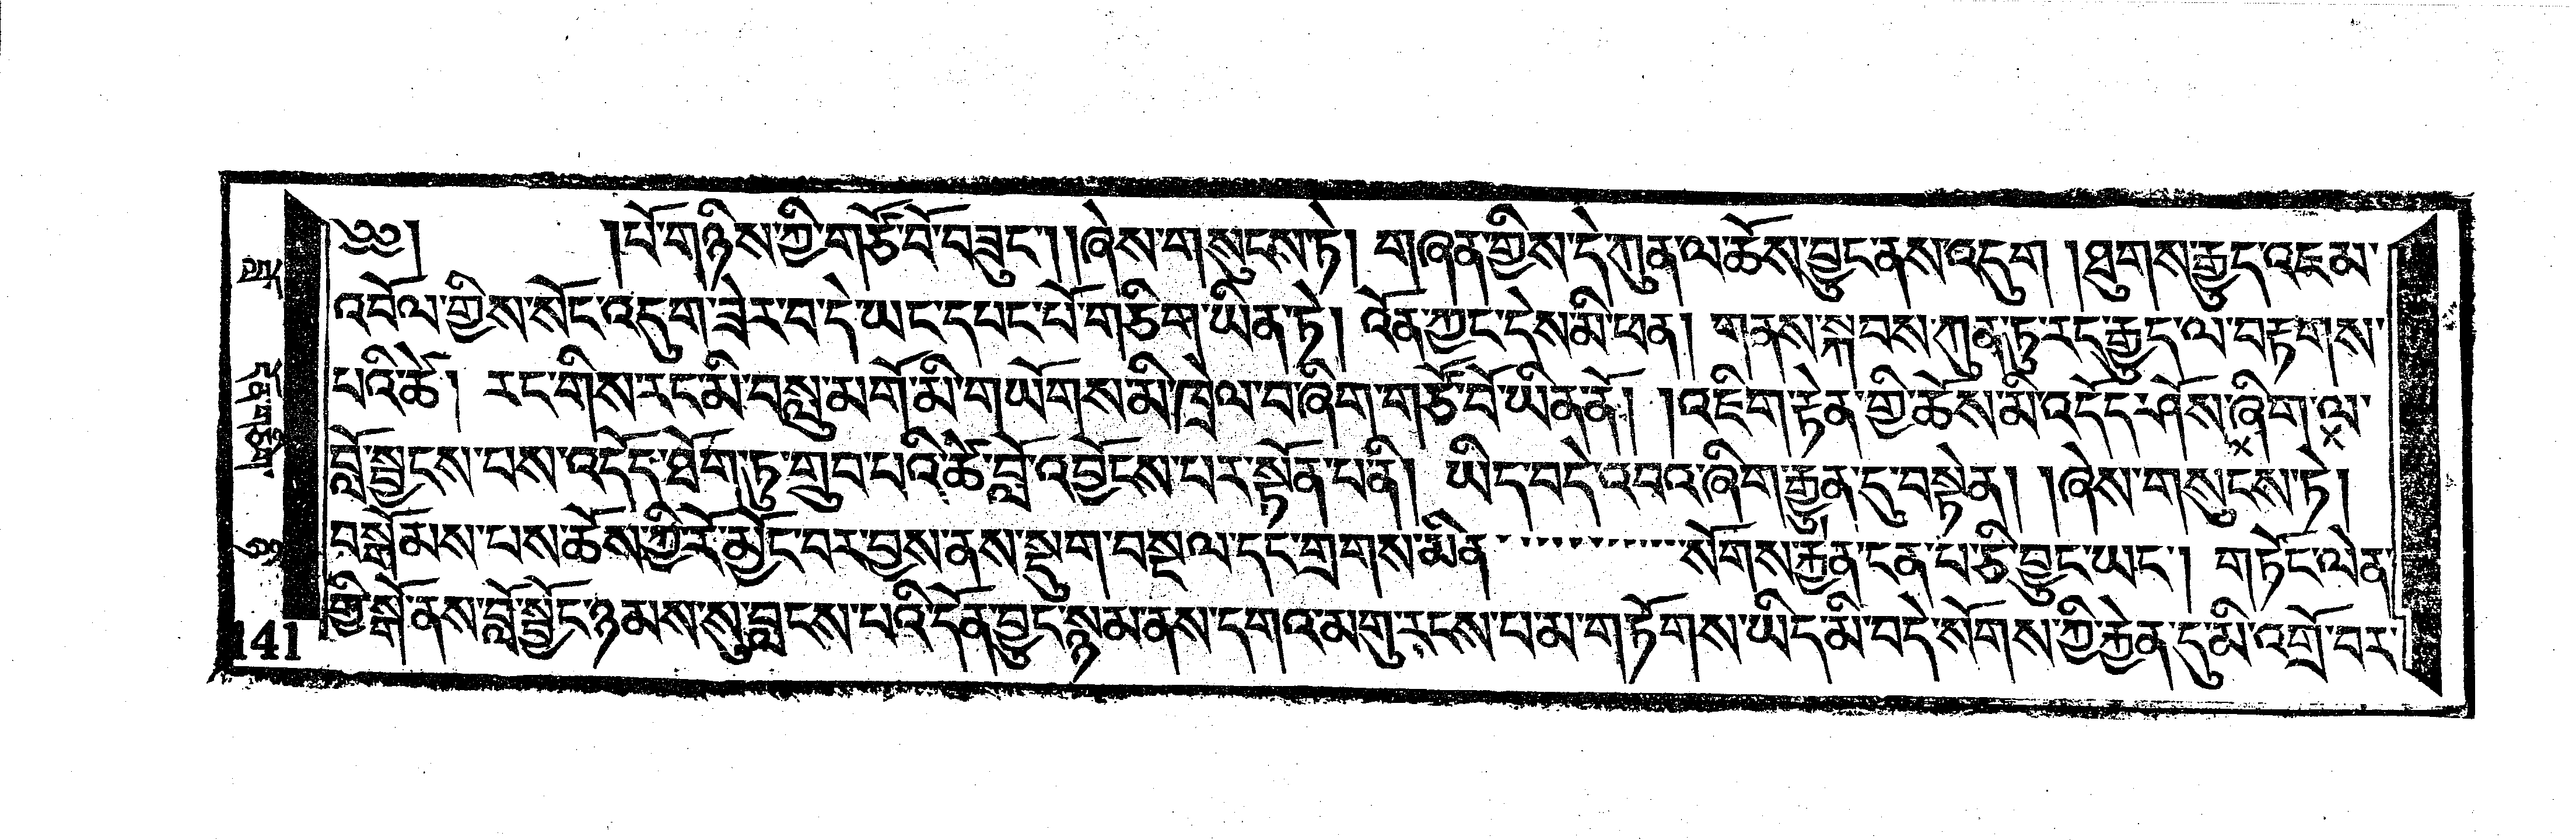༄༅། །པོ་གཉིས་ཀྱི་གཙོ་བོ་བཟུང་། །ཞེས་གསུངས་ཏེ། གཞན་གྱིས་དེ་ཀུན་ལ་ཆོས་བྱུང་ནས་འདུག །ཐུགས་རྒྱུད་འཇམ་
འབོལ་གྱིས་སོང་འདུག་ཟེར་བ་དེ་ཡང་དཔང་པོ་གཅིག་ཡིན་ཏེ། འོན་ཀྱང་དེས་མི་ཕན། གནས་སྐབས་ཀུན་ཏུ་རང་རྒྱུད་ལ་བརྟགས་
པའི་ཚེ། རང་གིས་རང་མི་བསླུ་མགོ་མི་གཡོགས་མི་ཁྲེལ་བ་ཞིག་གཙོ་བོ་ཡིན་ནོ། །འཇིག་རྟེན་གྱི་ཆོས་མི་འདོད་ཤོས་྾་ཞིག་ལ་྾་
བློ་སྦྱངས་པས་འདོད་ཐོག་ཏུ་གྲུབ་པའི་ཚེ་བློ་འབྱོངས་པར་སྟོན་པ་ནི། ཡིད་བདེ་འབའ་ཞིག་རྒྱུན་དུ་བསྟེན། །ཞེས་གསུངས་ཏེ།
བསྒོམས་པས་ཆོས་ཀྱི་རོ་མྱོང་བར་བྱས་ནས་སྡུག་བསྔལ་དང་གྲགས་མིན་སོགས་རྐྱེན་ངན་པ་ཅི་བྱུང་ཡང་། གཏོང་ལེན་
གྱི་སྒོ་ནས་བློ་སྦྱོང་ཉམས་སུ་བླངས་པའི་དོན་བྱུང་སྙམ་ནས་དགའ་མགུ་རངས་པ་མ་གཏོགས་ཡིད་མི་བདེ་སོགས་ཀྱི་རྐྱེན་དུ་མི་འགྲོ་བར་